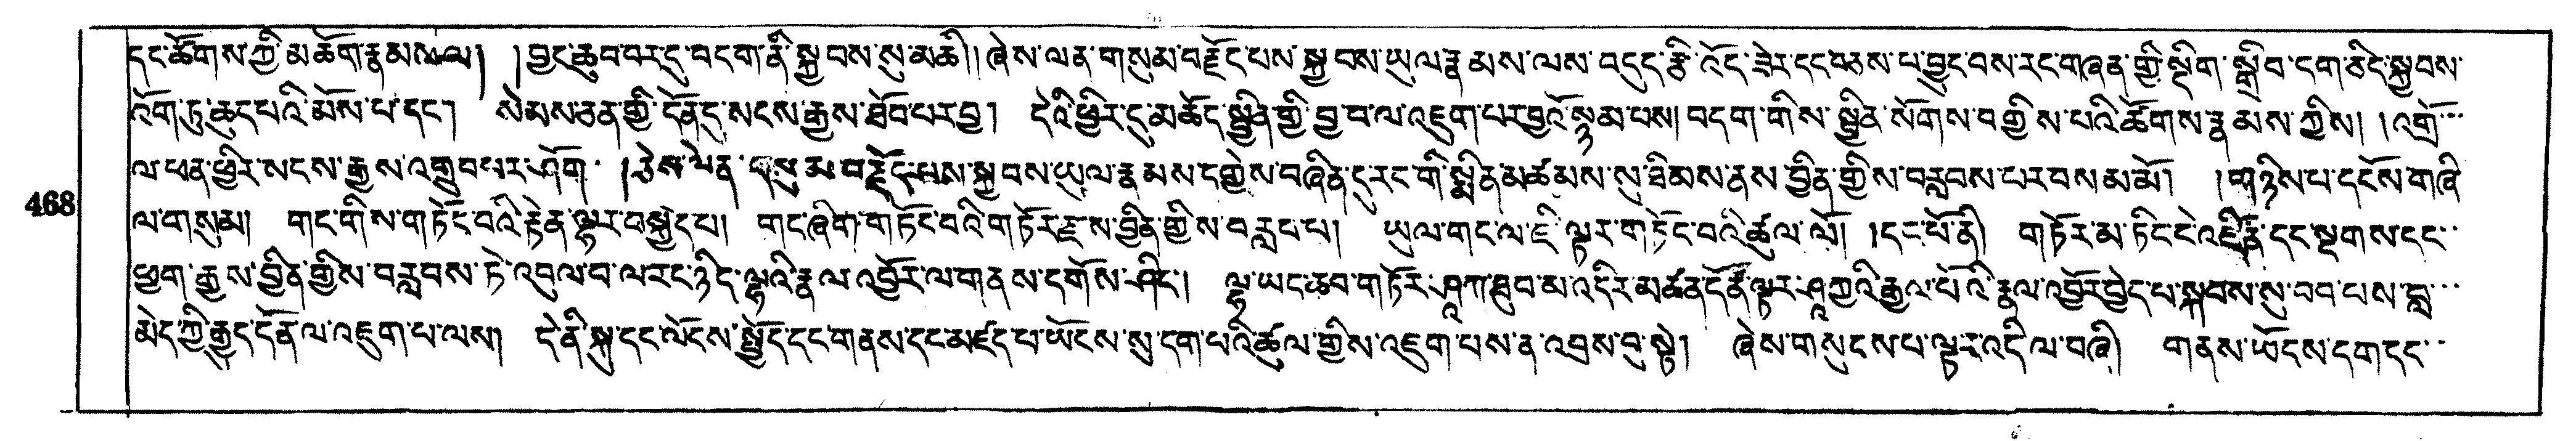དང་ཚོགས་ཀྱི་མཆོག་རྣམས་ལ། །བྱང་ཆུབ་བར་དུ་བདག་ནི་སྐྱབས་སུ་མཆི། །ཞེས་ལན་གསུམ་བརྗོད་པས་སྐྱབས་ཡུལ་རྣམས་ལས་བདུད་རྩི་འོད་ཟེར་དང་བཅས་པ་བྱུང་བས་རང་གཞན་གྱི་སྡིག་སྒྲིབ་དག་ཅིང་སྐྱབས་
འོག་ཏུ་ཆུད་པའི་མོས་པ་དང་། སེམས་ཅན་གྱི་དོན་དུ་སངས་རྒྱས་ཐོབ་པར་བྱ། དེའི་ཕྱིར་དུ་མཆོད་སྦྱིན་གྱི་བྱ་བ་ལ་འཇུག་པར་བྱའོ་སྙམ་པས། བདག་གིས་སྦྱིན་སོགས་བགྱིས་པའི་ཚོགས་རྣམས་ཀྱིས། །འགྲོ་
ལ་ཕན་ཕྱིར་སངས་རྒྱས་འགྲུབ་པར་ཤོག །ཅེས་ལེན་གསུམ་བརྗོད་པས་སྐྱབས་ཡུལ་རྣམས་དགྱེས་བཞིན་དུ་རང་གི་སྨིན་མཚམས་སུ་ཐིམས་ནས་བྱིན་གྱིས་བརླབས་པར་བསམ་མོ། །གཉིས་པ་དངོས་གཞི་
ལ་གསུམ། གང་གིས་གཏོང་བའི་རྟེན་ལྷར་བསྐྱེད་པ། གང་ཞིག་གཏོང་བའི་གཏོར་རྫས་བྱིན་གྱིས་བརླབ་པ། ཡུལ་གང་ལ་ཇི་ལྟར་གཏོང་བའི་ཚུལ་ལོ། །དང་པོ་ནི། གཏོར་མ་ཏིང་ངེ་འཛིན་དང་སྔགས་དང་
ཕྱག་རྒྱས་བྱིན་གྱིས་བརླབས་ཏེ་འབུལ་བ་ལ་རང་ཉིད་ལྷའི་རྣལ་འབྱོར་ལ་གནས་དགོས་ཤིག། ལྷ་ཡང་ཆབ་གཏོར་ཤཱ་ཀ་ཐུག་མ་འདིར་མཚན་དོན་ལྟར་ཤཱཀྱའི་རྒྱལ་པོའི་རྣལ་འབྱོར་བྱེད་པ་སྐབས་སུ་བབ་པས་བླ་
མེད་ཀྱི་རྒྱུད་དོན་ལ་འཇུག་པ་ལས། དེ་ནི་སྐུ་དང་ལོངས་སྤྱོད་དང་གནས་དང་མཛད་པ་ཡོངས་སུ་དག་པའི་ཚུལ་གྱིས་འཇུག་པས་ན་འབྲས་བུ་སྟེ། ཞེས་གསུངས་པ་ལྟར་འདི་ལ་བཞི། གནས་ཡོངས་དག་དང་